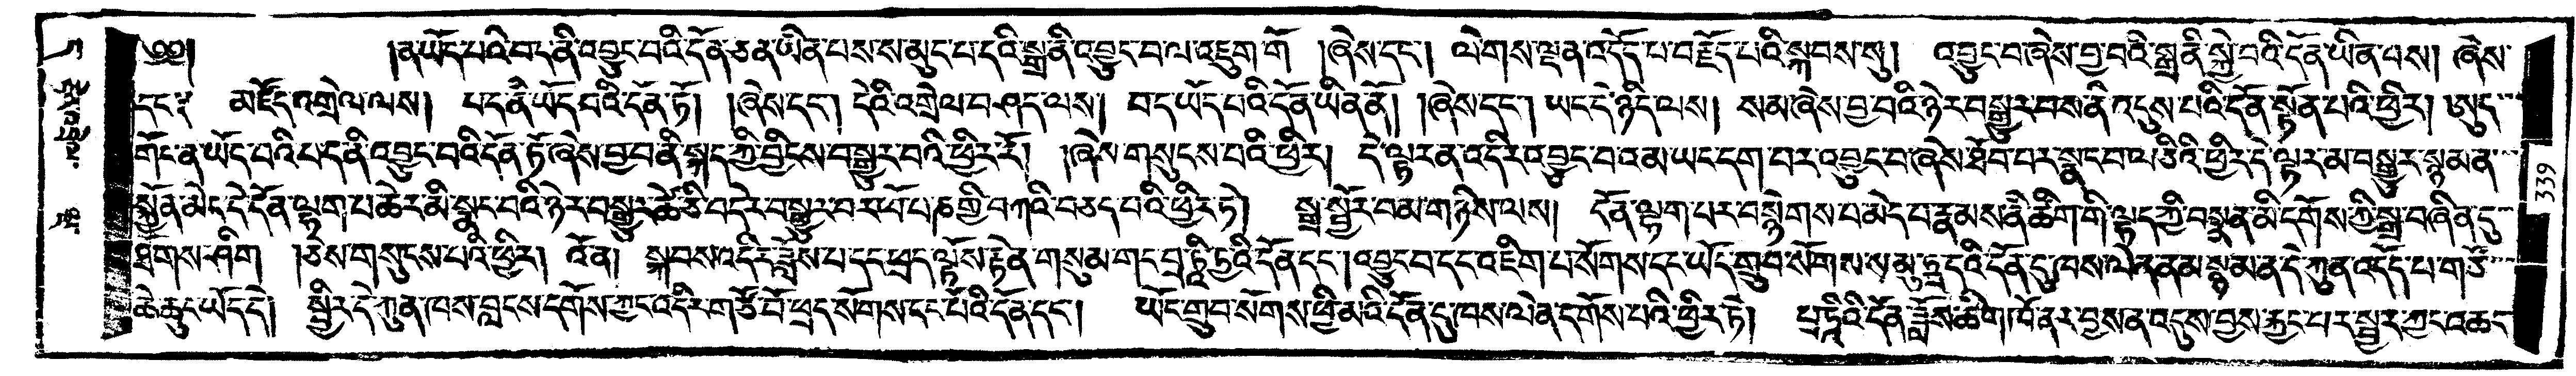༄༅། །ན་ཡོད་པའི་བ་ད་ནི་འབྱུང་བའི་དོན་ཅན་ཡིན་པས་ས་མུང་པ་དའི་སྒྲ་ནི་འབྱུང་བ་ལ་འཇུག་གོ །ཞེས་དང་། ལེགས་ལྡན་འདོད་པ་བརྗོད་པའི་སྐབས་སུ། འབྱུང་བ་ཞེས་བྱ་བའི་སྒྲ་ནི་སྐྱེ་བའི་དོན་ཡིན་པས། ཞེས་
དང༑ མཛོད་འགྲེལ་ལས། པ་ད་ནི་ཡོད་པའི་དོན་ཏོ། །ཞེས་དང་། དེའི་འགྲེལ་བཤད་ལས། བ་ད་ཡོད་པའི་དོན་ཡིན་ནོ། །ཞེས་དང་། ཡང་དེ་ཉིད་ལས། སམ་ཞེས་བྱ་བའི་ཉེར་བསྒྱུར་བས་ནི་འདུས་པའི་དོན་སྟོན་པའི་ཕྱིར། ཨུད་
གོང་ན་ཡོད་པའི་བ་ད་ནི་འབྱུང་བའི་དོན་ཏོ་ཞེས་བྱ་བ་ནི་སྐད་ཀྱི་བྱིངས་བསྒྱུར་བའི་ཕྱིར་རོ། །ཞེས་གསུངས་པའི་ཕྱིར། དེ་ལྟར་ན་འདིར་འབྱུང་བ་འམ་ཡང་དག་པར་འབྱུང་བ་ཞེས་ཐོབ་པར་སྣང་བ་ལ་ཅིའི་ཕྱིར་དེ་ལྟར་མ་བསྒྱུར་སྙམ་ན་
སྐྱོན་མེད་དེ་དོན་ལྷག་པ་ཆེར་མི་སྣང་བའི་ཉེར་བསྒྱུར་ཚེ་ཅི་བདེར་བསྒྱུར་བར་ཕོ་པཎ་གྱི་བཀའི་བཅད་པའི་ཕྱིར་ཏེ། སྒྲ་སྦྱོར་བམ་གཉིས་ལས། དོན་ལྷག་པར་བསྙེགས་པ་མེད་པ་རྣམས་ནི་ཚིག་གི་ལྟད་ཀྱི་བསྣན་མི་དགོས་ཀྱི་སྒྲ་བཞིན་དུ་
ཐོགས་ཤིག །ཅེས་གསུངས་པའི་ཕྱིར། འོ་ན། སྐབས་འདིར་ཟློས་པ་དང་ཕྲད་ལྟོས་རྟེན་གསུམ་གང་པྲ་ཏཱི་ཏྱའི་དོན་དང་། འབྱུང་བ་དང་འཇིག་པ་སོགས་དང་ཡོད་གྲུབ་སོགས་སམུ་ཏྤ་དའི་དོན་དུ་ཁས་ལེན་ནམ་སྙམ་ན་དེ་ཀུན་འདོད་པ་གཙོ་
ཆེ་ཆུང་ཡོད་དེ། སྤྱིར་དེ་ཀུན་ཁས་བླངས་དགོས་ཀྱང་འདིར་གཙོ་བོ་ཕྲད་སོགས་དང་པོའི་དོན་དང་། ཡོང་གྲུབ་སོགས་ཕྱི་མའི་དོན་དུ་ཁས་ལེན་དགོས་པའི་ཕྱིར་ཏེ། པྲ་ཏཱིའི་དོན་ཟློས་ཚིག་ཁོ་ནར་བྱས་ན་འདུས་བྱས་རྐྱང་པར་སྦྱར་ཀྱང་འཆང་